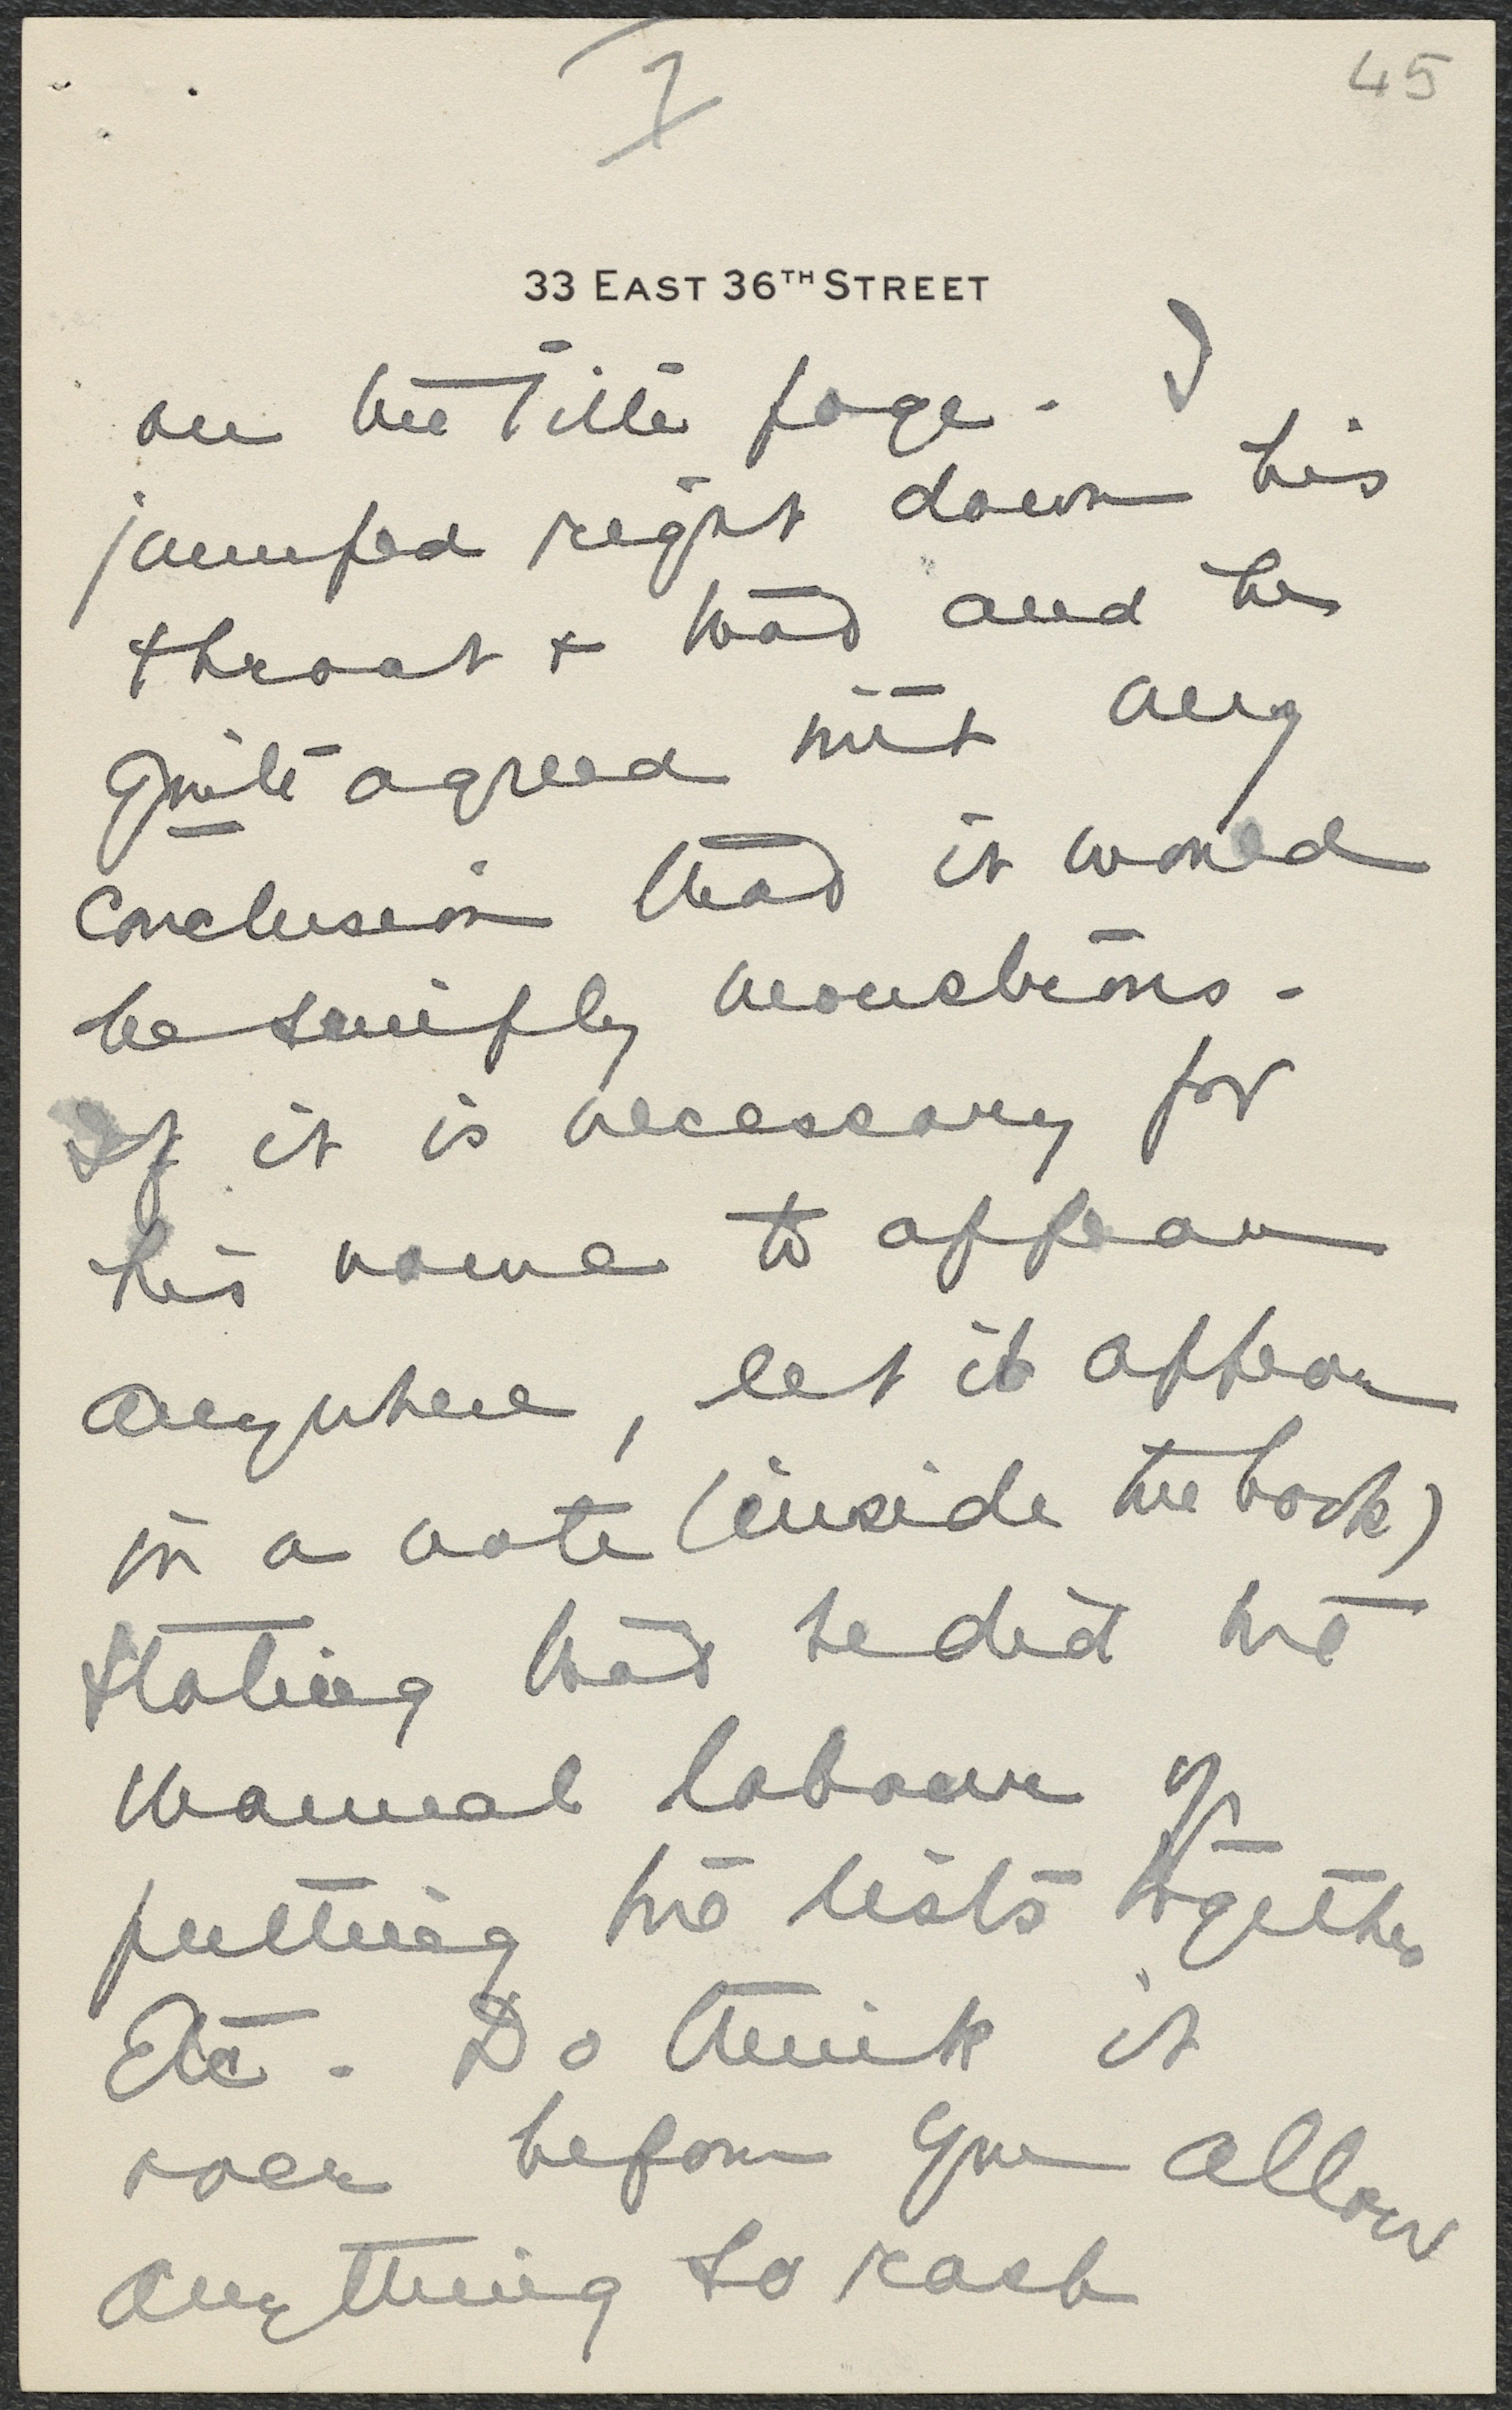on the title page. I jumped right down his throat & that and he quite agreed with my conclusion that it would be simply monstrous.
If it is necessary for his name to appear anywhere, let it appear in a note (inside the book) stating that he did the manual labour of putting the lists together etc. Do think it over before you allow anything so rash